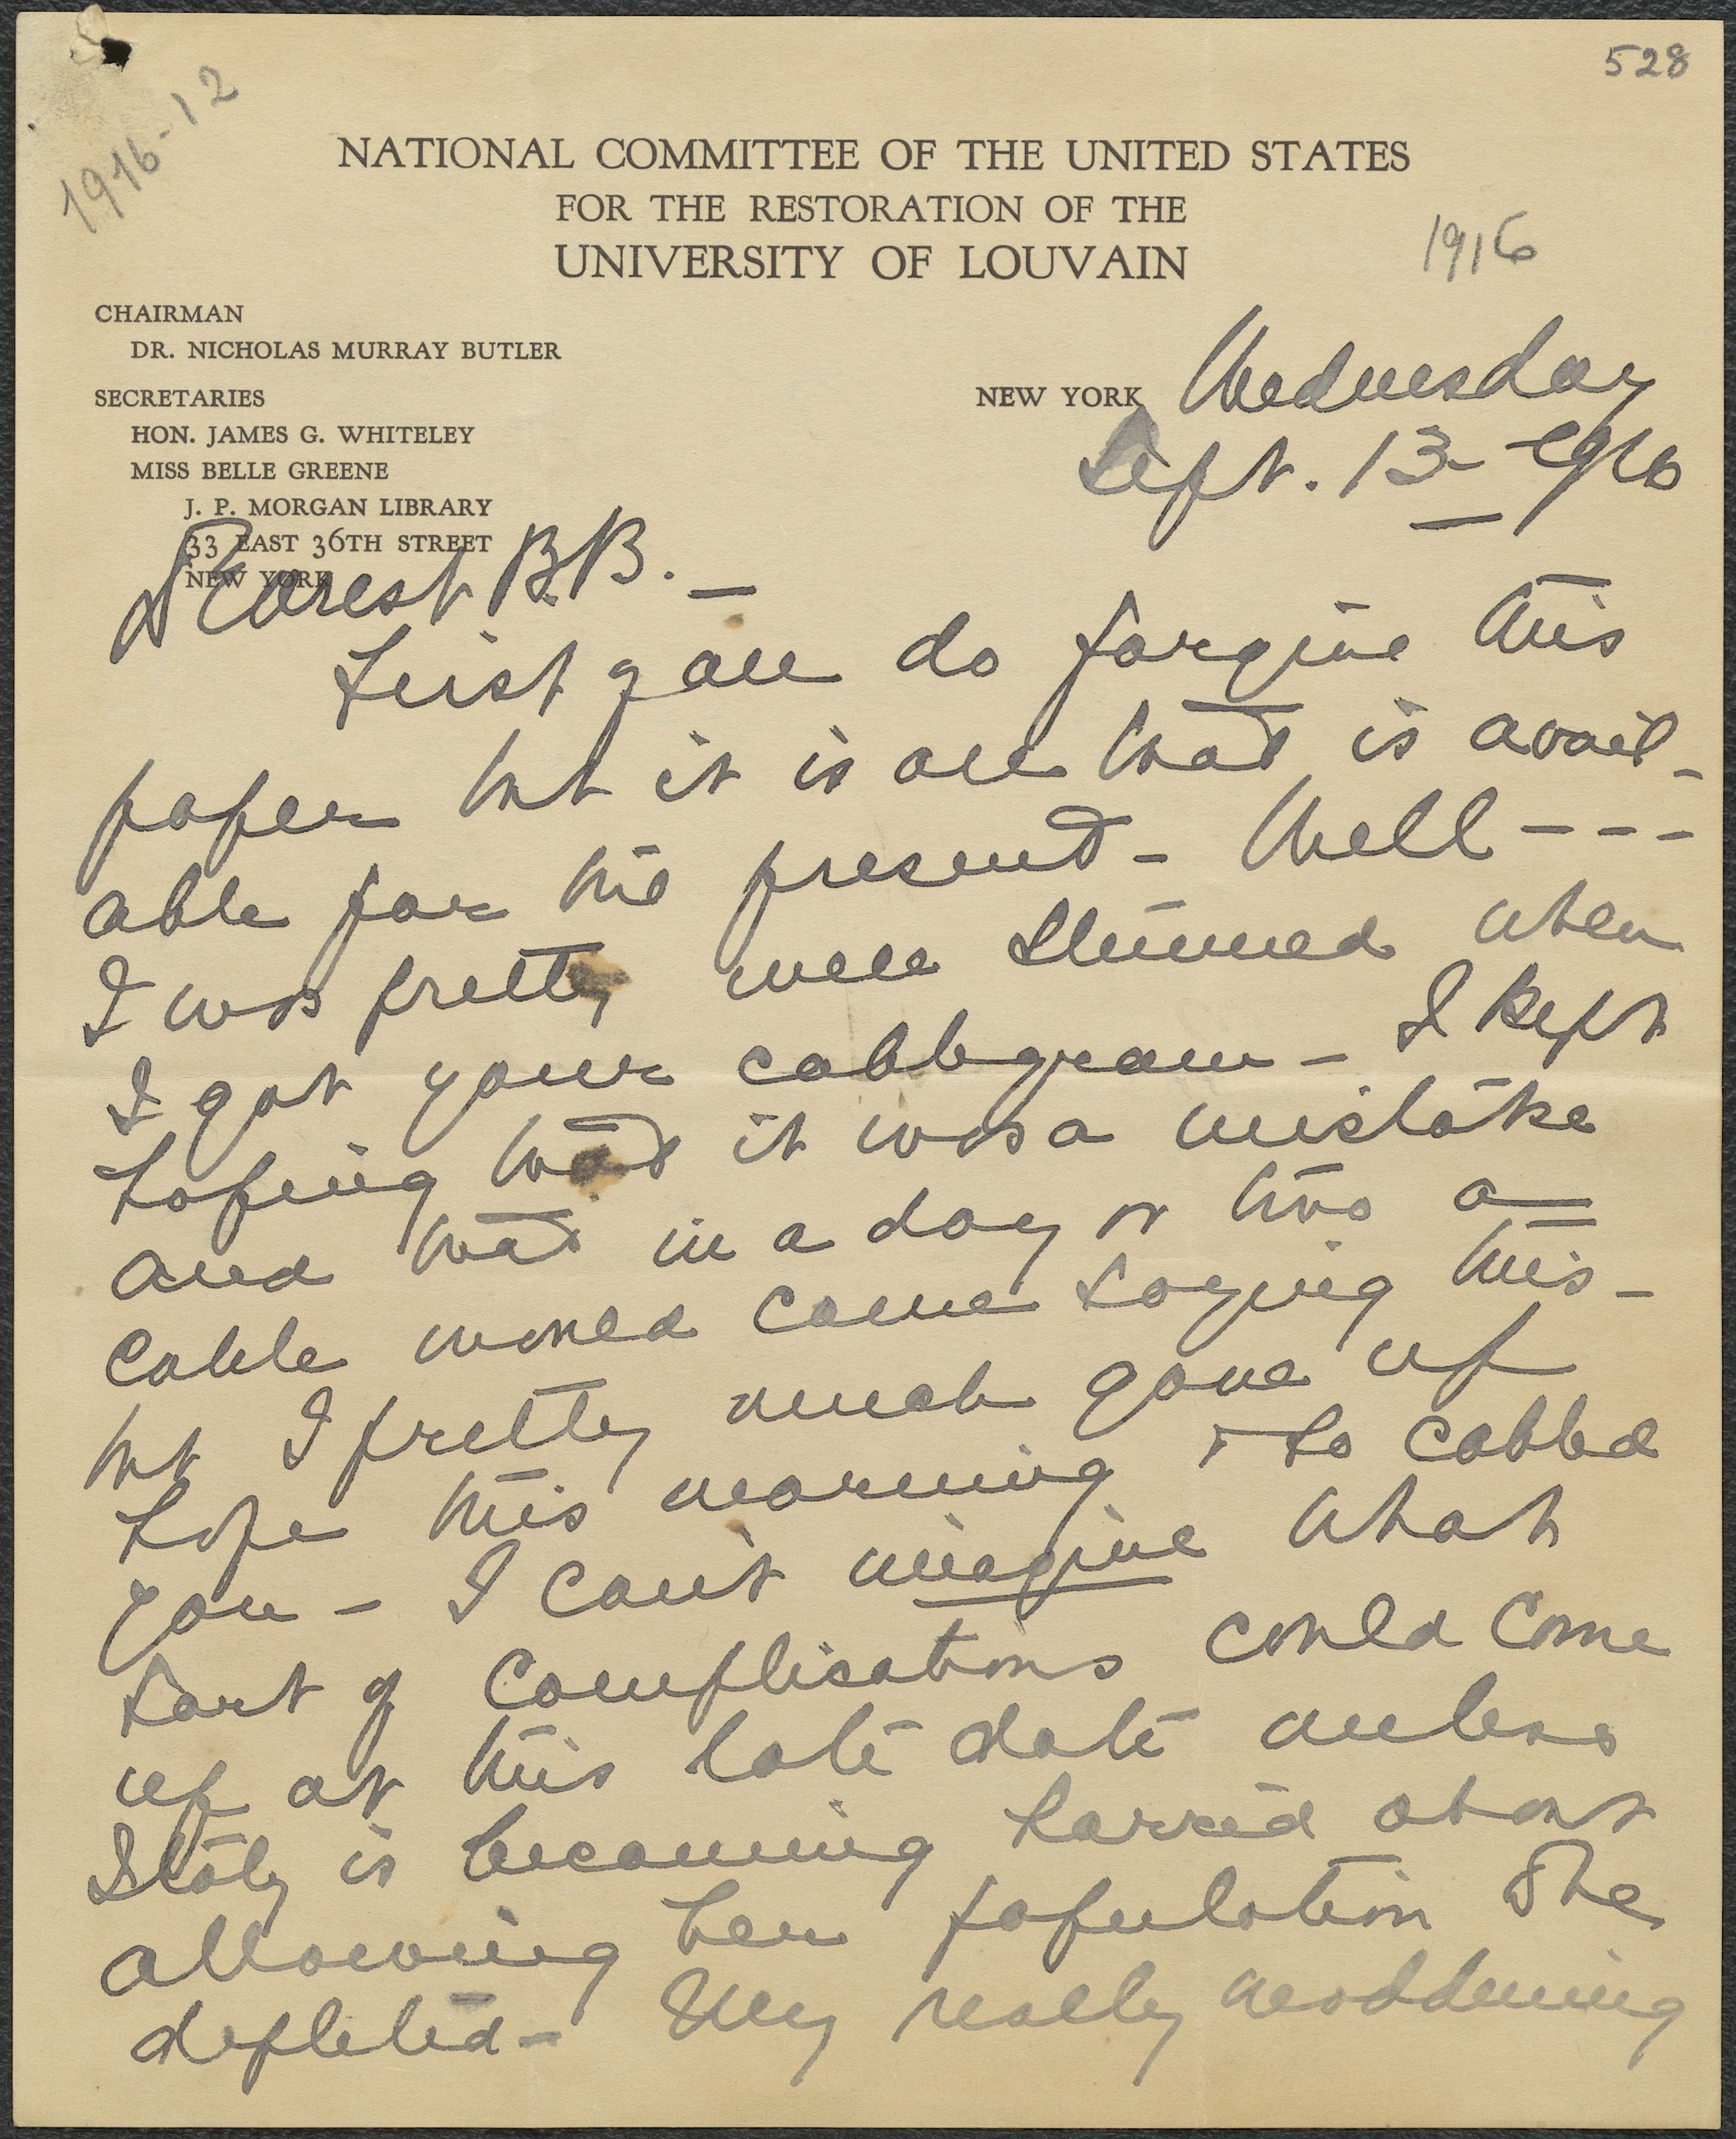Wednesday
Sept. 13 – 1916
Dearest B. B. –
First of all do forgive this paper for the present – Well – – – I was pretty well stunned when I got your cablegram – I kept hoping that it was a mistake and that in a day or two a cable would come saying this – but I pretty much gave up hope this morning & so cabled you – I can't imagine what sort of complications could come up at this late date unless Italy is becoming horrid about allowing her population to be depleted – My really maddening